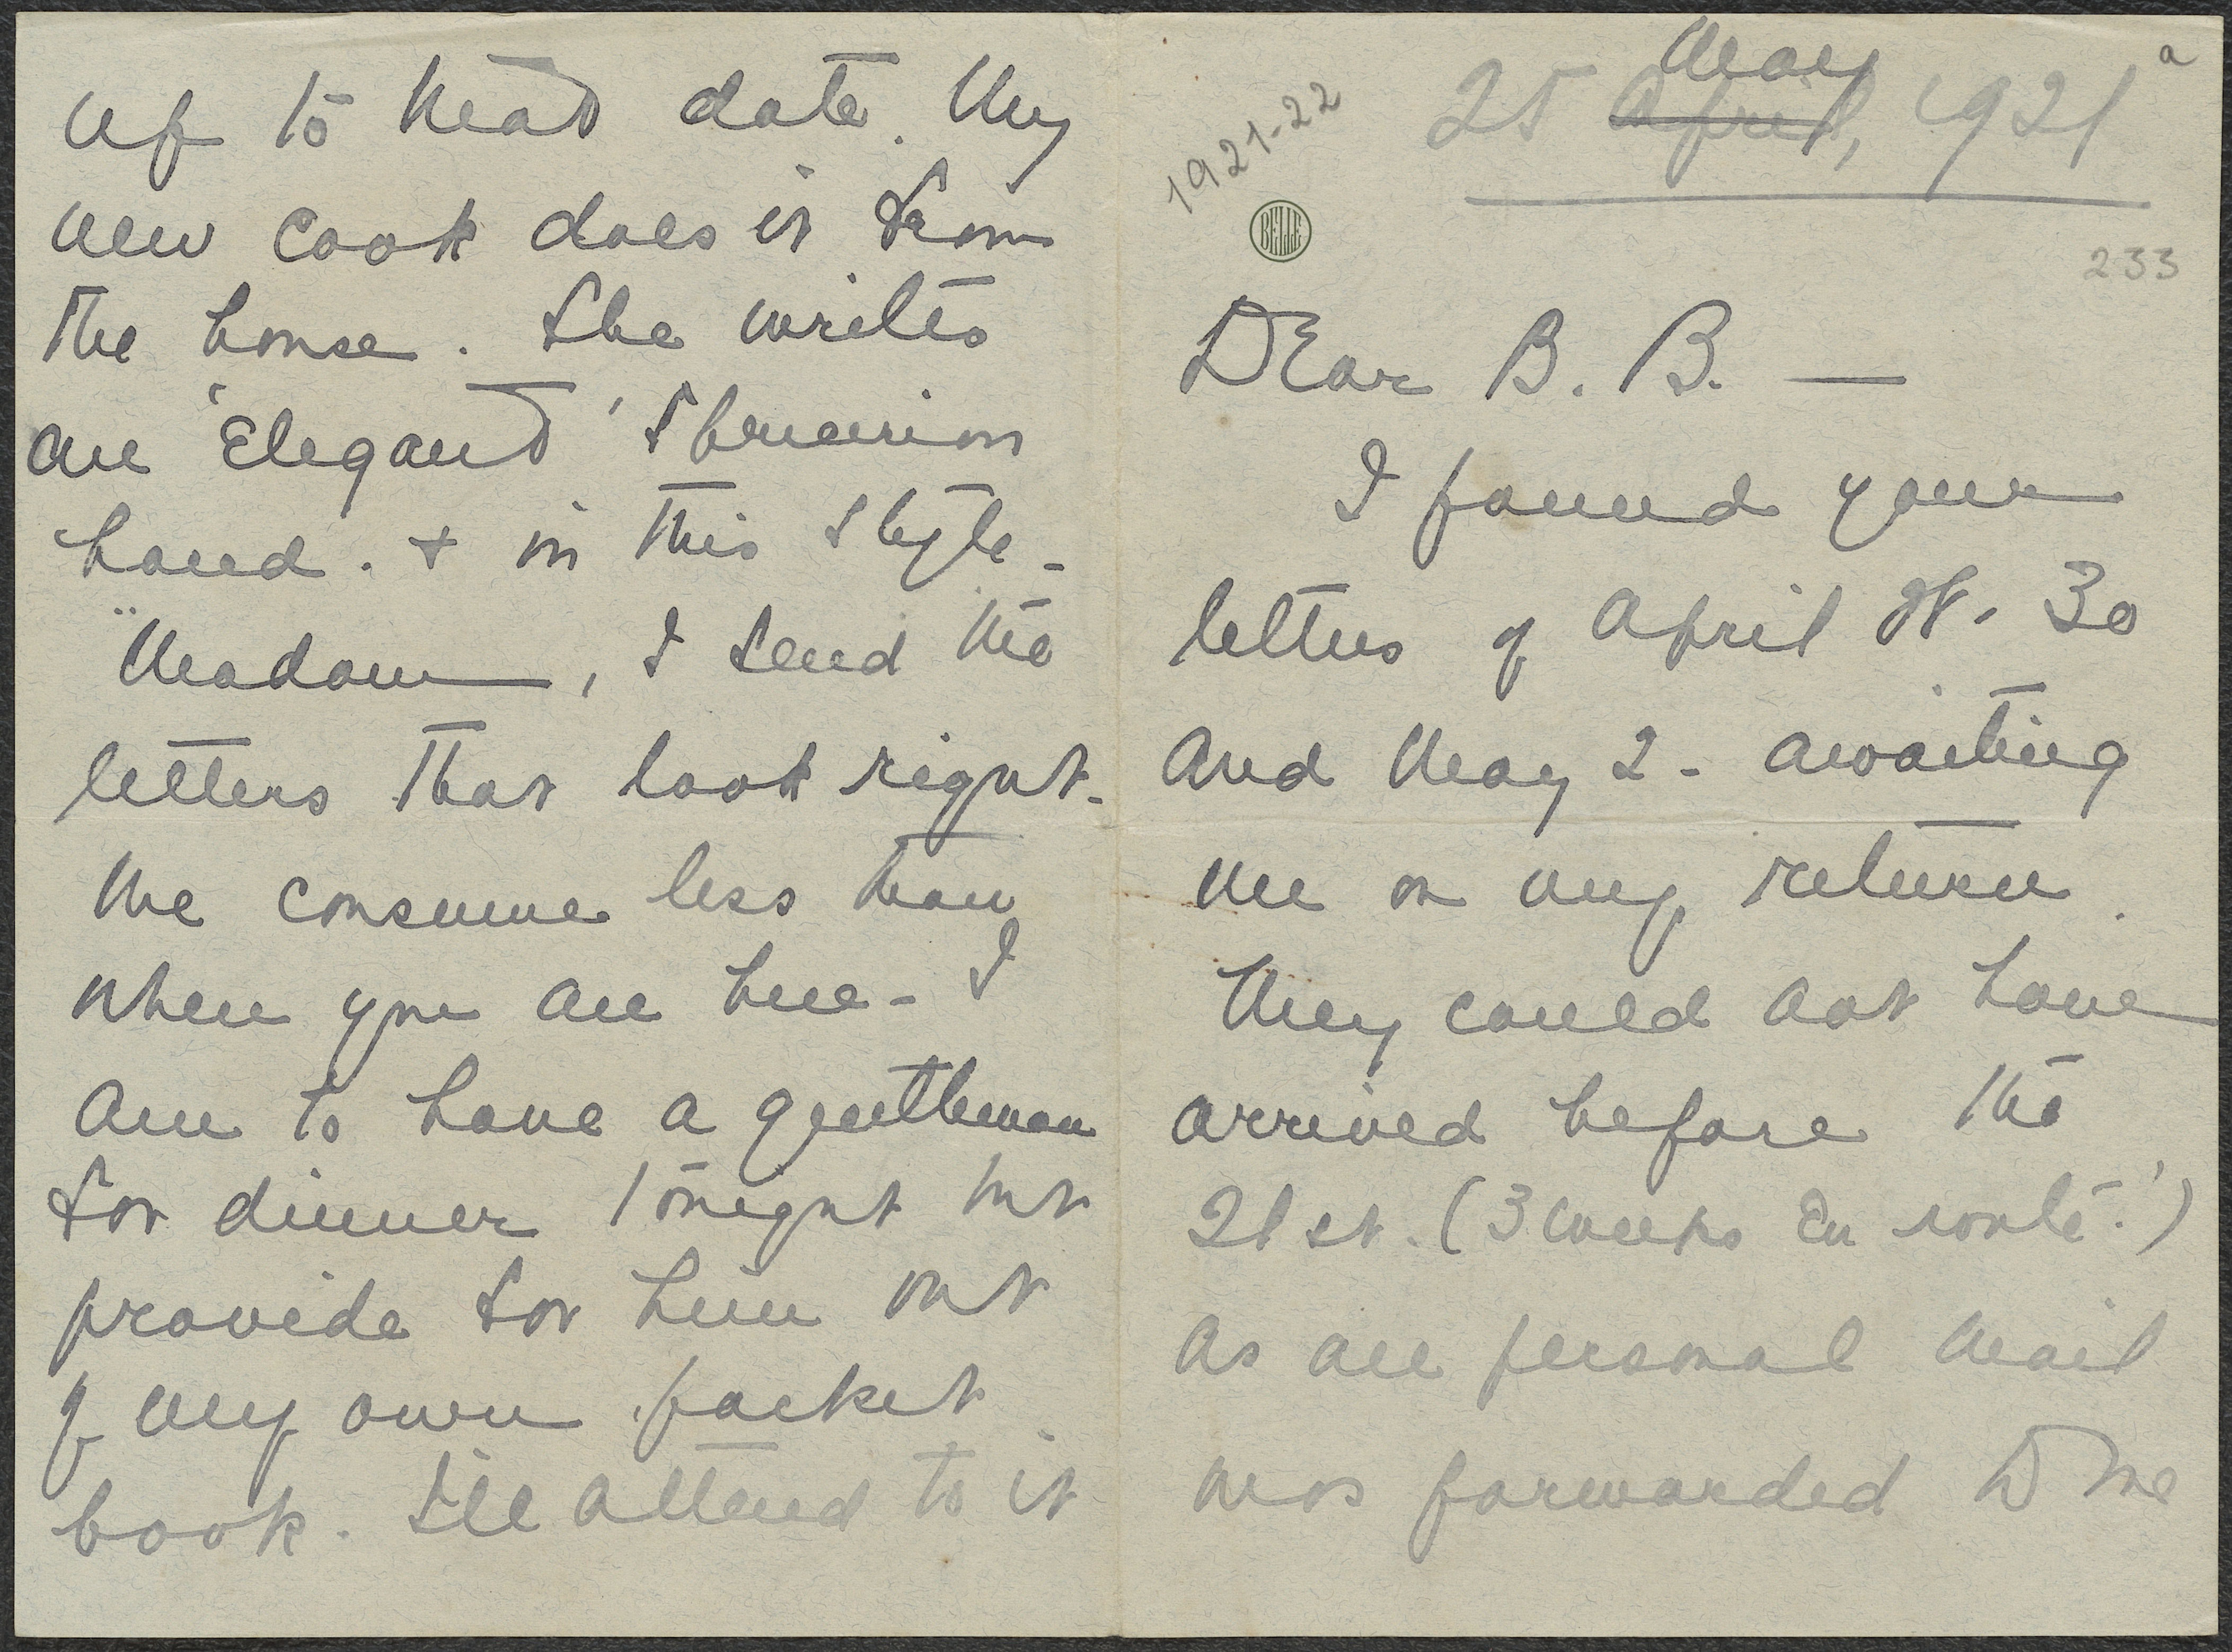25 April [^May^], 1921
Dear B. B. –
I found your letters of April 28, 30 and May 2 – awaiting me on my return. They could not have arrived before the 21st. (3 weeks en route!) as all personal mail was forwarded to me
up to that date. My new cook does it from the from the house. She writes an ‘elegant’ Spencerian hand. & in this style – “Madam, I send the letters that look right. We consume less than when you are here – I am to have a gentleman for dinner tonight but provide for him out of my own pocket book. I’ll attend to it